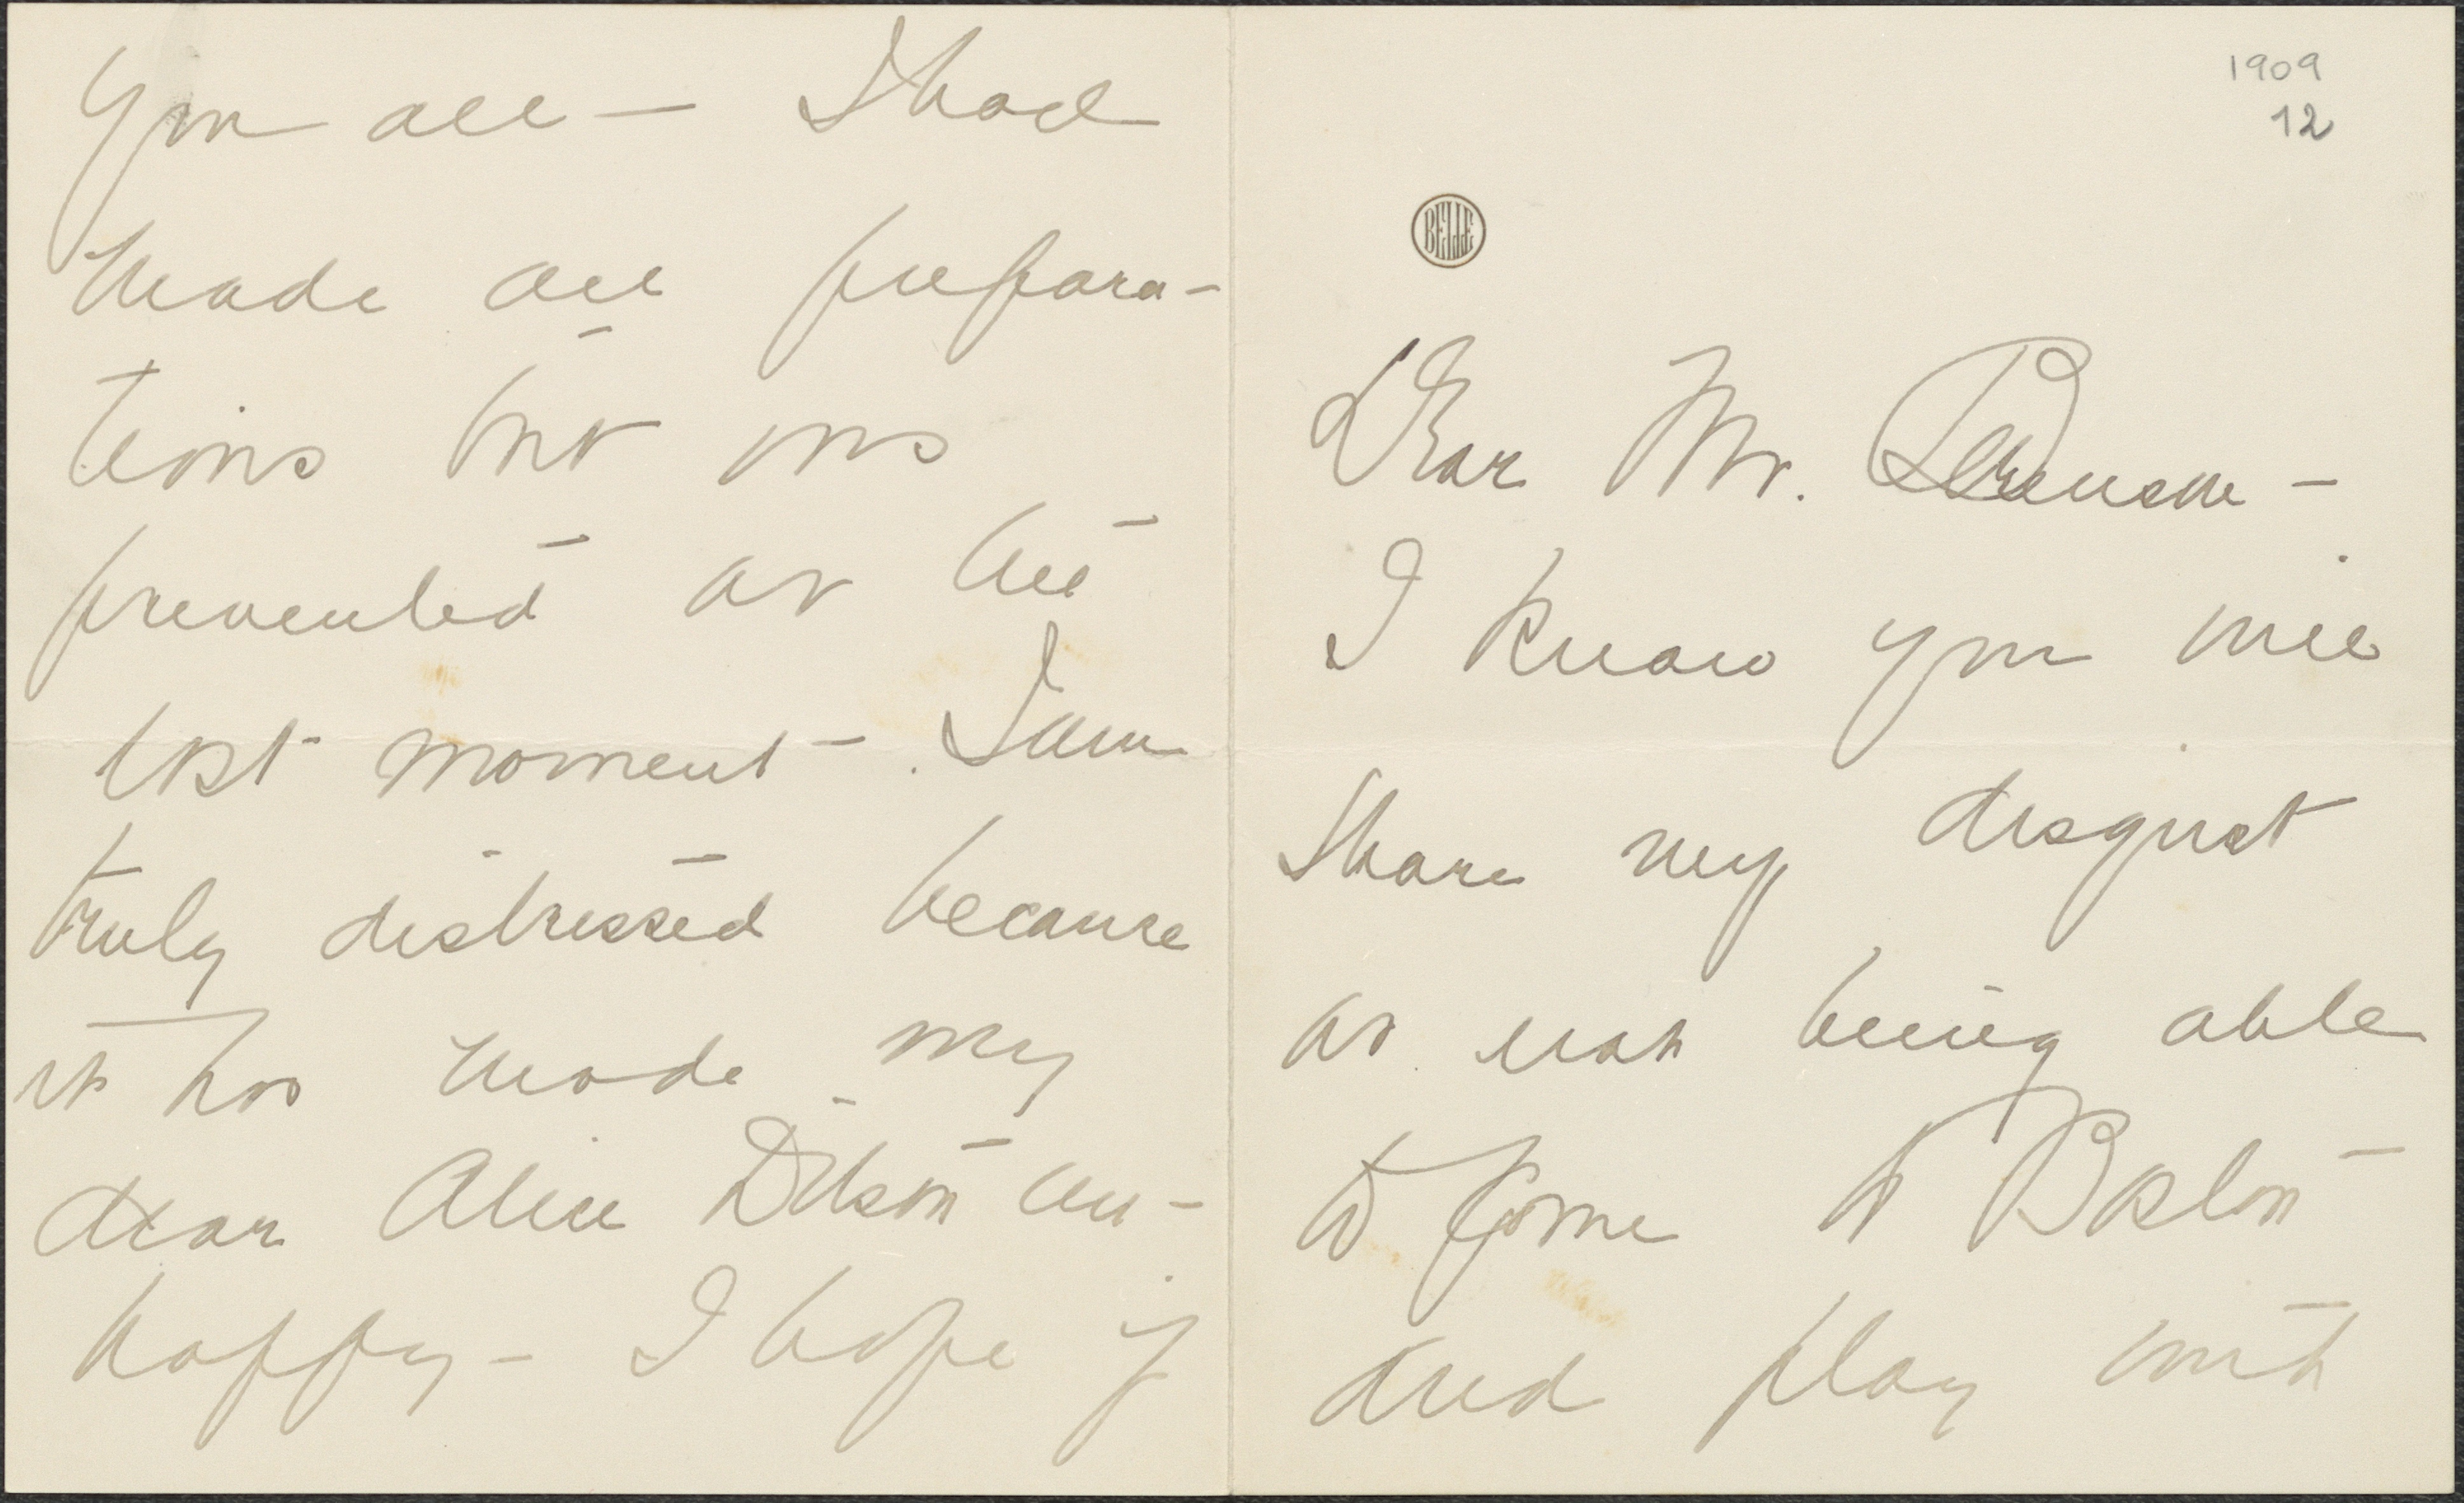Dear Mr. Berenson –
I know you will share my disgust at not being able to come to Boston and play with
you all – I had made all preparations but was prevented at the last moment. I am truly distressed because it has made my dear Alice Ditson unhappy – I hope if